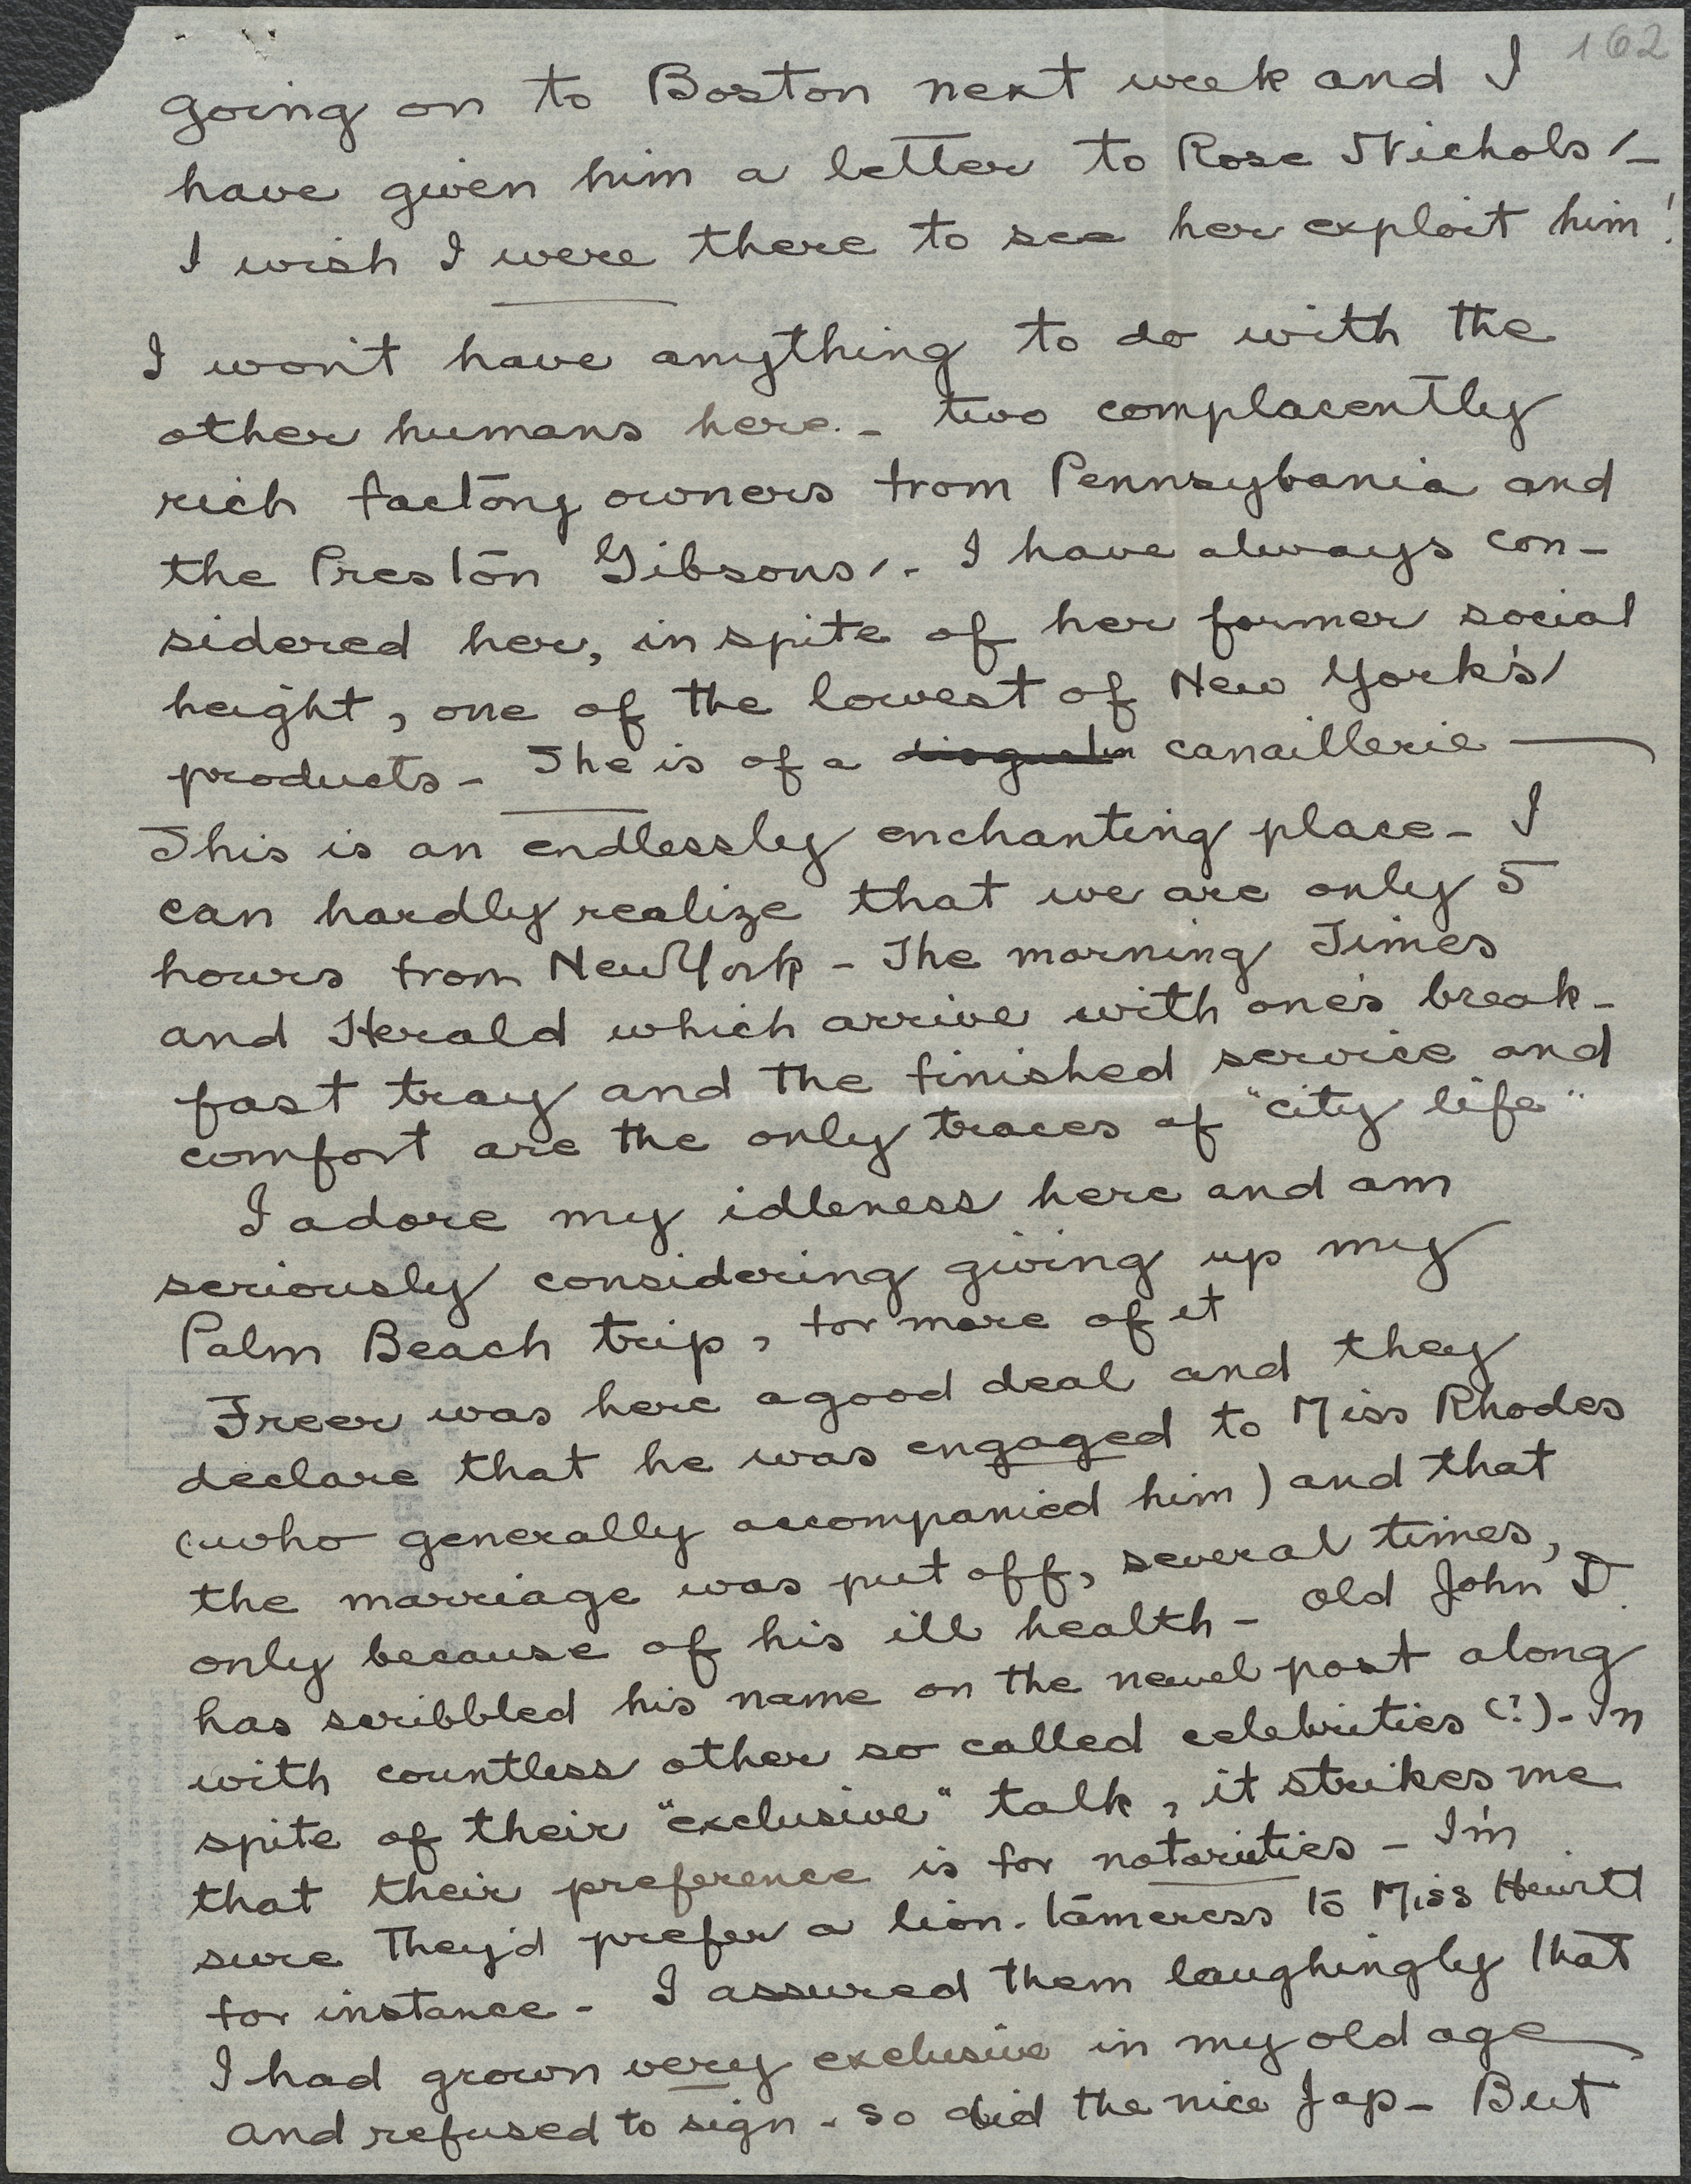going on to Boston next week and I have given him a letter to Rose Nichols – I wish I were there to see her exploit him!
I won't have anything to do with the other humans here – two complacently rich factory owners from Pennsylvania and the Preston Gibsons. I have always considered her, in spite of her former social height, one of the lowest of New York's products – She is of a disgusti canaillerie –
This is an endlessly enchanting place – I can hardly realize that we are only 5 hours from New York – the morning Times and Herald which arrive with one's breakfast tray and the finished service and comfort are the only traces of "city life"
I adore my idleness here and am seriously considering giving up my Palm Beach trip, for more of it
Freer was here a good deal and they declare that he was engaged to Miss Rhodes (who generally accompanied him) and that the marriage was put off, several times only because of his ill health – old John D. has scribbled his name on the newel post along with countless other so called celebrities (?) – In spite of their "exclusive" talk, it strikes me that their preference is for notorieties – I'm sure they'd prefer a lion-tameress to Miss Hewitt for instance – I assured them laughingly that I had grown very exclusive in my old age and refused to sign – so did the nice Jap – But